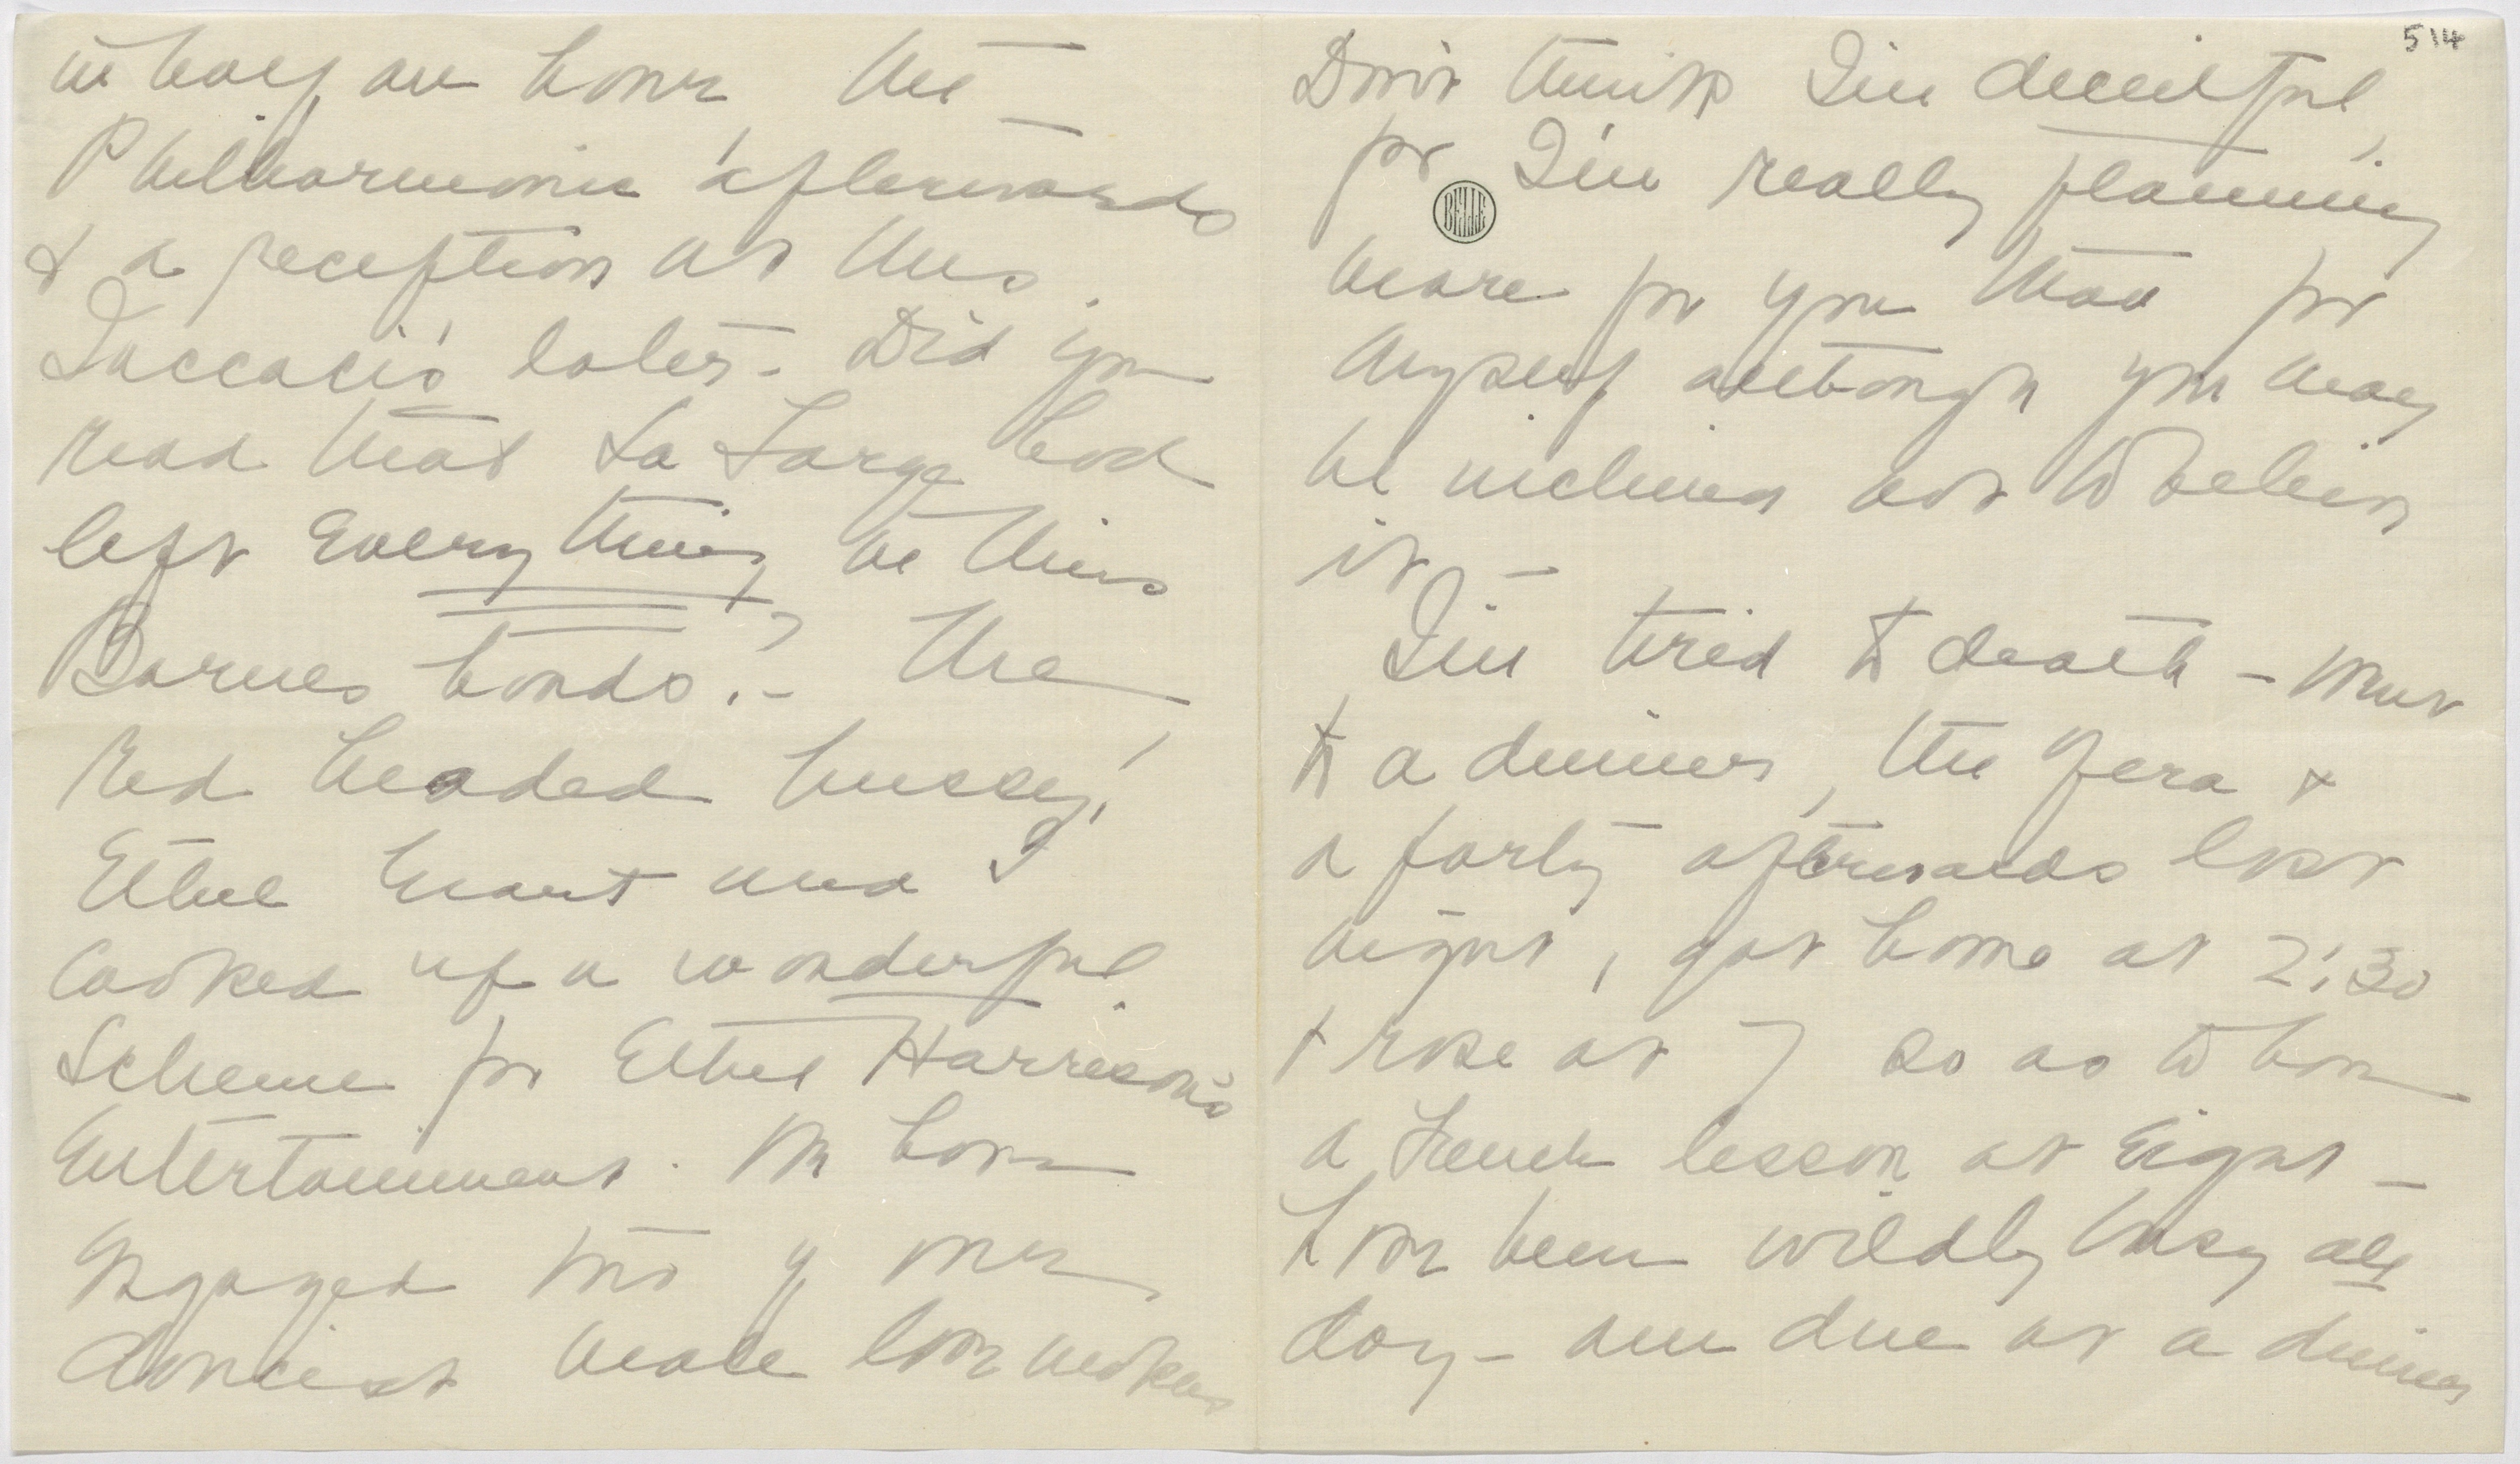Don’t think I’m deceitful, for I’m really planning more for you than for myself although you may be inclined not to believe it –
I’m tired to death – went to a dinner, the opera & a party afterwards last night, got home at 2:30 & rose at 7 so as to have a French lesson at eight – have been wildly busy all day – am due at a dinner
in half an hour, the Philharmonic afterwards & a reception at Mrs. Jaccaci’s later – Did you read that La Farge had left [triple underlined: every thing] in Miss Barnes hands? – The red headed hussy!
Ethel Grant and I cooked up a wonderful scheme for Ethel Harrison’s entertainment. We have engaged two of our choicest male love makers